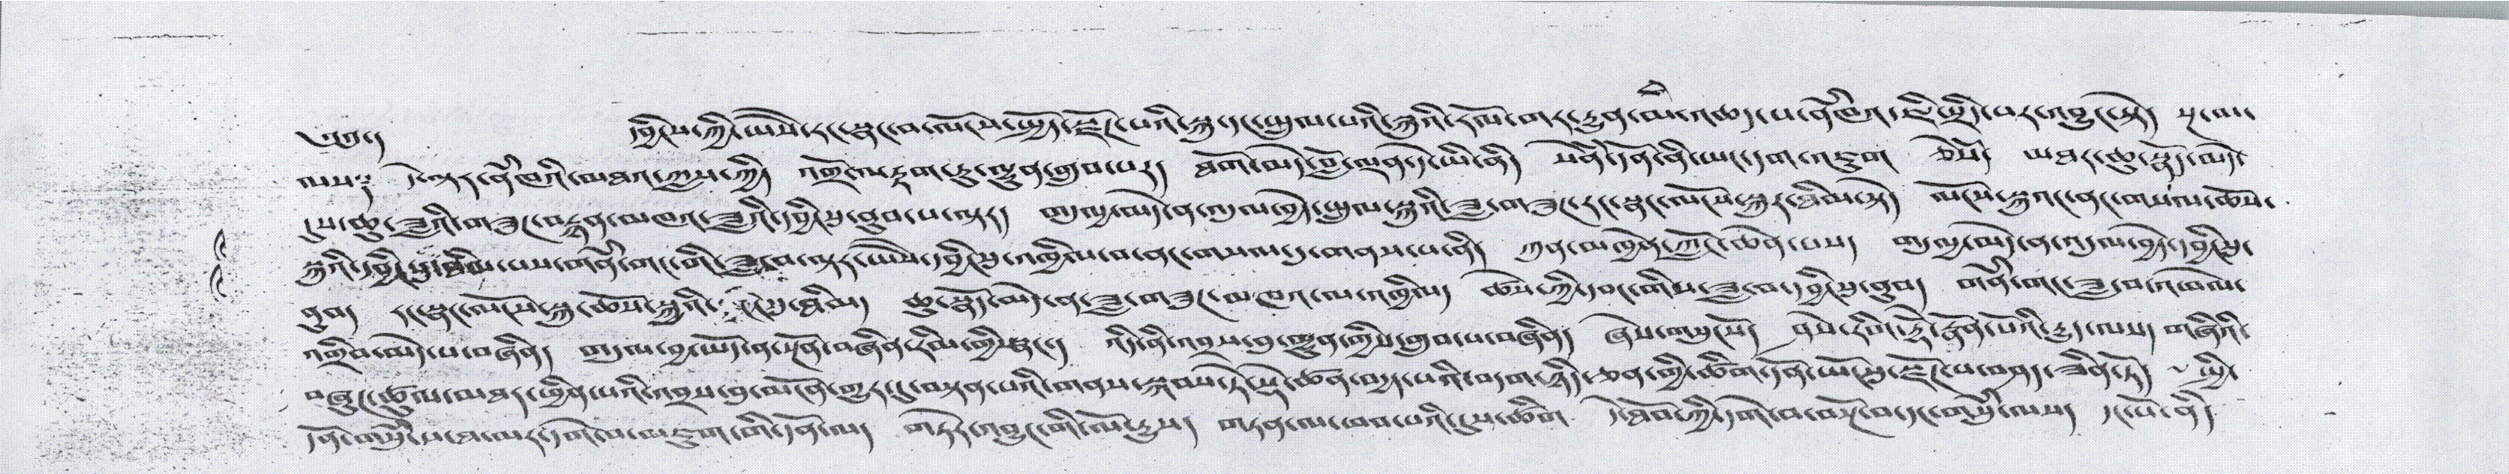དབྱིངས་ཀྱི་ཡེ་ཤེས་རང་སྣང་བ་ལོངས་སྤྱོད་རྫོགས་པའི་སྐུ་དང་སྤྲུལ་པའི་སྐུའི་རོལ་གར་རྒྱུན་མི་འཆད་པ་ནམ་མཁའ་ཇི་སྲིད་པར་འབྱུང་སྟེ། སྔ་མ་
ལས། དེ་ལྟར་ནམ་མཁའི་མཐའ་ཀླས་ཀྱི། འགྲོ་ལ་རྟག་ཏུ་ལྷུན་གྲུབ་པར། ཐོག་མེད་བློ་ལྡན་དེ་ཡི་ནི། སེམས་ཅན་དོན་ནི་ཡང་དག་འཇུག ཅེས་སོ། མཐར་ཆུ་སྣོད་མེད་
དུས་ཆུ་ཟླའི་གཟུགས་བརྙན་མཁའ་ཟླའི་དབྱིངས་སུ་ནུབ་པ་ལྟར། གདུལ་བྱ་མེད་ན་འདུལ་བྱེད་སྤྲུལ་སྐུའི་ཟླ་གཟུགས་རང་སྣང་ལོངས་སྐུར་ཐིམ་སྟེ། ལོངས་སྐུའང་ནང་གསལ་ཆོས་
སྐུའི་དབྱིངས་སུ་ཐིམ་པས་གནམ་གང་གི་ཟླ་བ་ལྟར་ཡེ་ཤེས་དབྱིངས་སུ་འཁྱིལ་བ་ནང་གསལ་དུ་གནས་པ་ནི། ཀུན་མཁྱེན་ཀློང་ཆེན་པས། གདུལ་བྱ་མེད་ན་འདུལ་བྱེད་དབྱིངས་སུ་
ནུབ། རང་སྣང་ལོངས་སྐུ་ཆོས་སྐུའི་ངང་དུ་ཐིམ། ཆུ་སྣོད་མེད་ན་ཟླ་གཟུགས་མཁའ་ལ་འཁྱིལ། ཚེས་ཀྱི་དབང་གིས་ཟླ་བ་དབྱིངས་སུ་ནུབ། གནམ་གང་ཟླ་བ་འཕེལ་
འགྲིབ་མེད་པ་བཞིན། གདུལ་བྱ་ཡོད་ན་སྔོན་བཞིན་རིམ་གྱི་སྣང། འདི་ནི་འབྲས་བུ་ལྷུན་གྱིས་གྲུབ་པ་བཞིན། ཞེས་གསུངས་སོ། ཤེས་རིག་རྡོ་རྗེ་རྣོན་པོའི་རྒྱུད་ལས། གཞིའི་
བཞུགས་ཚུལ་མཐར་ཕྱིན་པའི་འབྲས་བུ་མངོན་གྱུར་དུ་བསྟན་པའི་གནས་སྐབས་ཏེ་སྡེ་ཚན་བརྒྱད་པའི་བདག་ཉིད་ཅན་གྱི་ཚིག་དོན་ཡོངས་སུ་རྫོགས་པ་བཤད་ཟིན་ཏོ། ༧ སྤྱི་
དོན་གསུམ་པ་ཐ་མར་དགེ་བ་མཇུག་གི་དོན་ལ། གཏེར་འབྱུང་གི་ལོ་རྒྱུས། གཏན་ལ་ཕབ་པའི་དུས་ཚིག དེ་ཐོབ་ཀྱི་དགེ་བ་བསྔོ་བ་དང་གསུམ་ལས། དང་པོ་ནི།